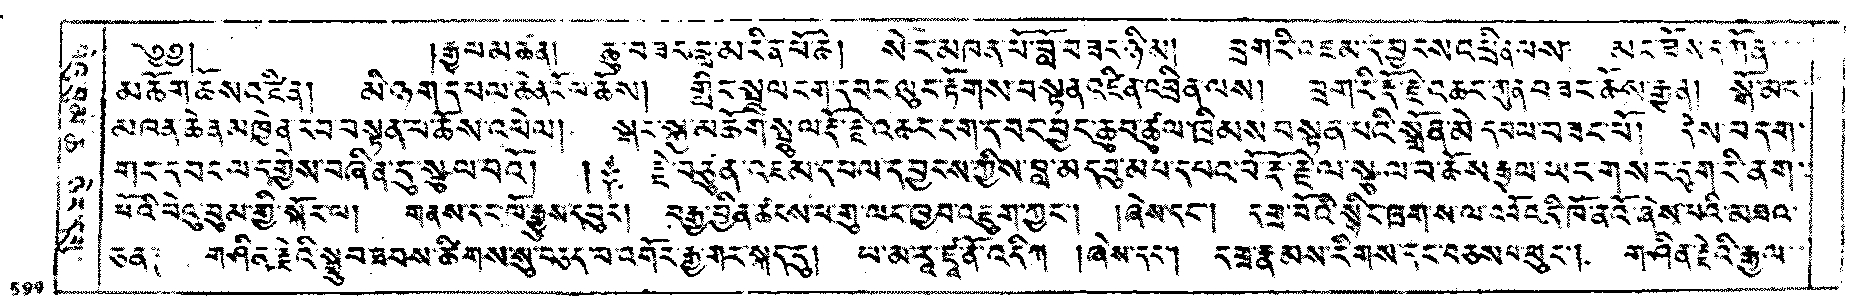༄༅། །རྒྱལ་མཚན། ཆུ་བཟང་བླ་མ་རིན་པོ་ཆེ། སེ་ར་མཁན་པོ་བློ་བཟང་ཉི་མ། བྲག་རི་འཇམ་དབྱངས་འཕྲིན་ལས། མང་ཐོས་དཀོན་
མཆོག་ཆོས་འཛིན། མི་ཉག་དཔལ་ཆེན་རོལ་ཆོས། གླིང་སྤྲུལ་ངག་དབང་ལུང་རྟོགས་བསྟན་འཛིན་འཕྲིན་ལས། བྲག་རི་རྡོ་རྗེ་འཆང་ཀུན་བཟང་ཆོས་རྒྱན། སྒོ་མང་
མཁན་ཆེན་མཁྱེན་རབ་བསྟན་པ་ཆོས་འཕེལ། སྒང་སྐྱ་མཆོག་སྤྲུལ་རྡོ་རྗེ་འཆང་ངག་དབང་བྱང་ཆུབ་ཚུལ་ཁྲིམས་བསྟན་པའི་སྒྲོན་མེ་དཔལ་བཟང་པོ། དེས་བདག་
གར་དབང་ལ་དགྱེས་བཞིན་དུ་སྩལ་བའོ། ། ༈ རྗེ་བཙུན་འཇམ་དཔལ་དབྱངས་ཀྱིས་བླ་མ་དབུ་མ་པ་དཔའ་བོ་རྡོ་རྗེ་ལ་སྩལ་བ་ཆོས་རྒྱལ་ཡང་གསང་དུག་རི་ནག་
པོའི་བེའུ་བུམ་གྱི་སྐོར་ལ། གནས་དང་ལོ་རྒྱུས་དབུར། བརྒྱ་བྱིན་ཚངས་པ་གུ་ལང་ཁྱབ་འཇུག་ཀྱང་། །ཞེས་དང་། དགྲ་བོའི་སྙིང་ཁྲགས་ལ་འབོ་འདི་ཁོ་ནའོ་ཞེས་པའི་མཐའ་
ཅན། གཤིན་རྗེའི་སྒྲུབ་ཐབས་ཚིགས་སུ་བཅད་པ་འགོར་རྒྱ་གར་སྐད་དུ། ཡ་མ་རཱ་ཛཱ་ནོ་འདི་ཀ། ཞེས་དང་། དགྲ་རྣམས་རིགས་དང་བཅས་པ་ཕུང་། གཤིན་རྗེའི་རྒྱལ་